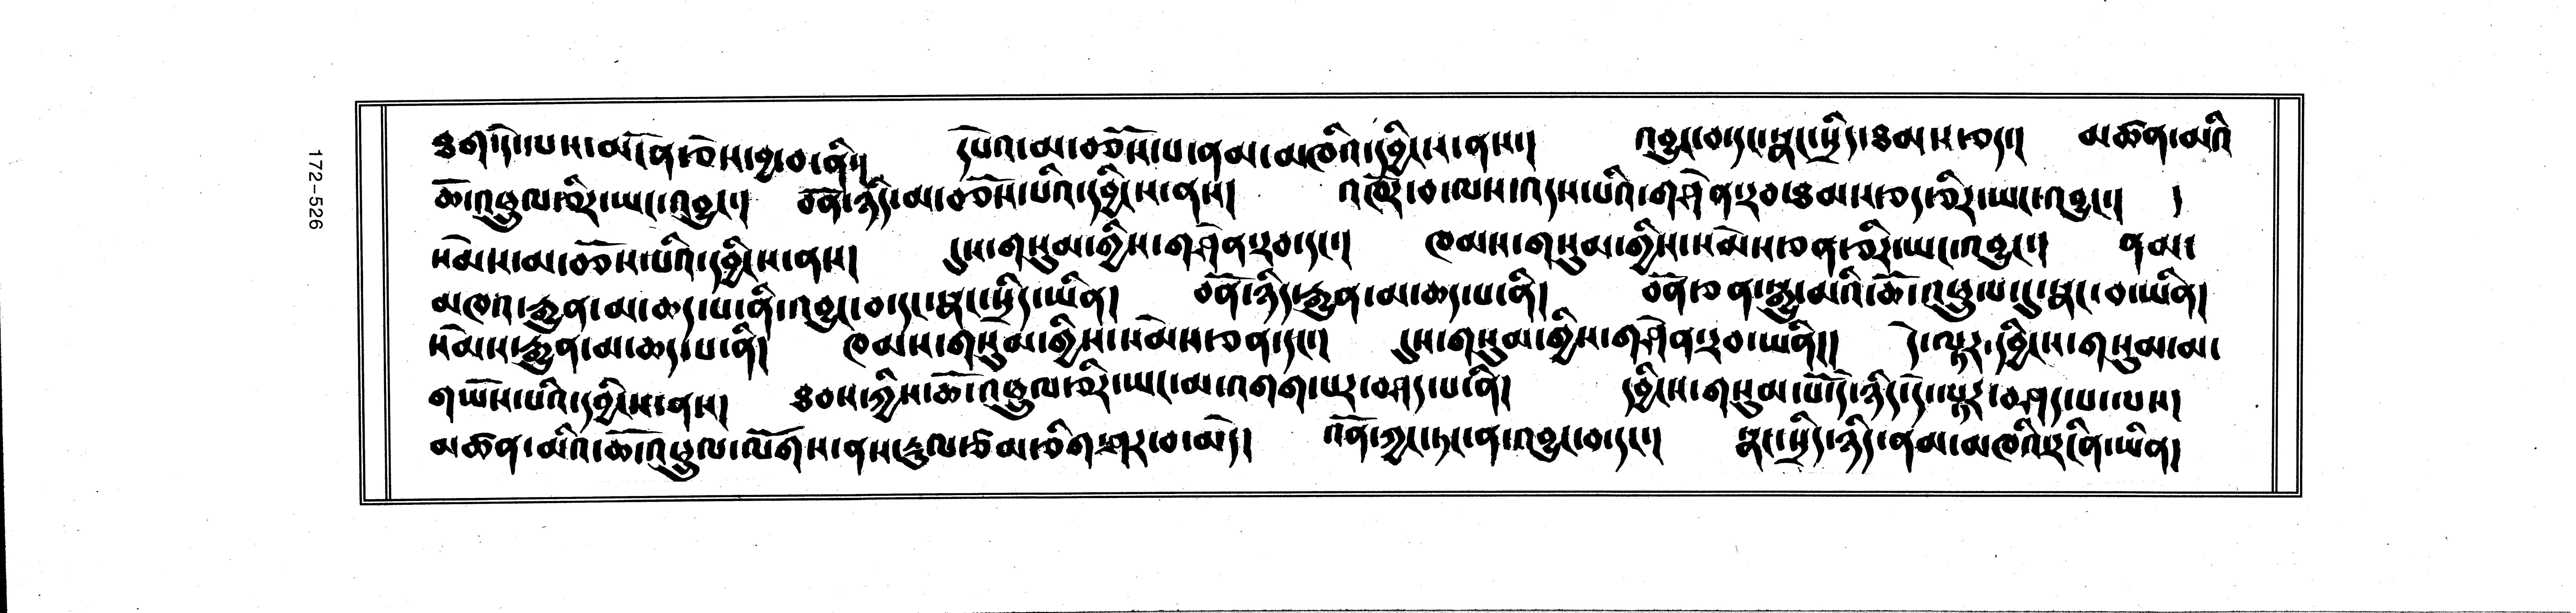ཐག་དེ་ལས་མངོན། ། དཔེའ་མ་བཅོས་པ་ནམ་མཁའི་དབྱིངས་ནས། འབྱུང་བ་དང་སྣང་སྲིད་ཐམས་ཅད། མཚན་མའི་
ཆོ་འཕྲུལ་ཅིར་ཡང་འབྱུང་། བོན་ཉིད་མ་བཅོས་པའི་དབྱིངས་ནས། འཁོར་བ་ལས་འདས་པའི་གཤེན་རབ་ཐམས་ཅད་ཅིར་ཡང་འབྱུང་། 
སེམས་མ་བཅོས་པའི་དབྱིངས་ནས། དུས་གསུམ་གྱིས་གཤེན་རབ་དང་། ཁམས་གསུམ་གྱིས་སེམས་ཅན་ཅིར་ཡང་འབྱུང་། ནམ་
མཁའ་རྒྱུན་མ་ཆད་པ་ནི་འབྱུང་བ་དང་སྣང་སྲིད་ཡིན། བོན་ཉིད་རྒྱུན་མ་ཆད་པ་ནི། བོན་ཅན་སྒྱུ་མའི་ཆོ་འཕྲུལ་དུ་སྣང་བ་ཡིན། 
སེམས་རྒྱུན་མ་ཆད་པ་ནི། ཁམས་གསུམ་གྱིས་སེམས་ཅན་དང་། དུས་གསུམ་གྱིས་གཤེན་རབ་ཡིན། དེ་ལྟར་དབྱིངས་གསུམ་མ་
གཡོས་པའི་དབྱིངས་ནས། ཐབས་ཀྱིས་ཆོ་འཕྲུལ་ཅིར་ཡང་མ་འགག་པར་བཤད་པ་ནི། དབྱིངས་གསུམ་པོ་དེ་ཉིད་དེ་ལྟར་བཤད་པ་ལས། 
མཚན་མའི་ཆོ་འཕྲུལ་ལོགས་ནས་རྡུལ་ཙམ་ཅིག་ཤར་བ་མེད། འོན་ཀྱང་ཏང་ན་འབྱུང་བ་དང་། སྣང་སྲིད་ཉིད་ནམ་མཁའི་རང་བཞིན་ཡིན།